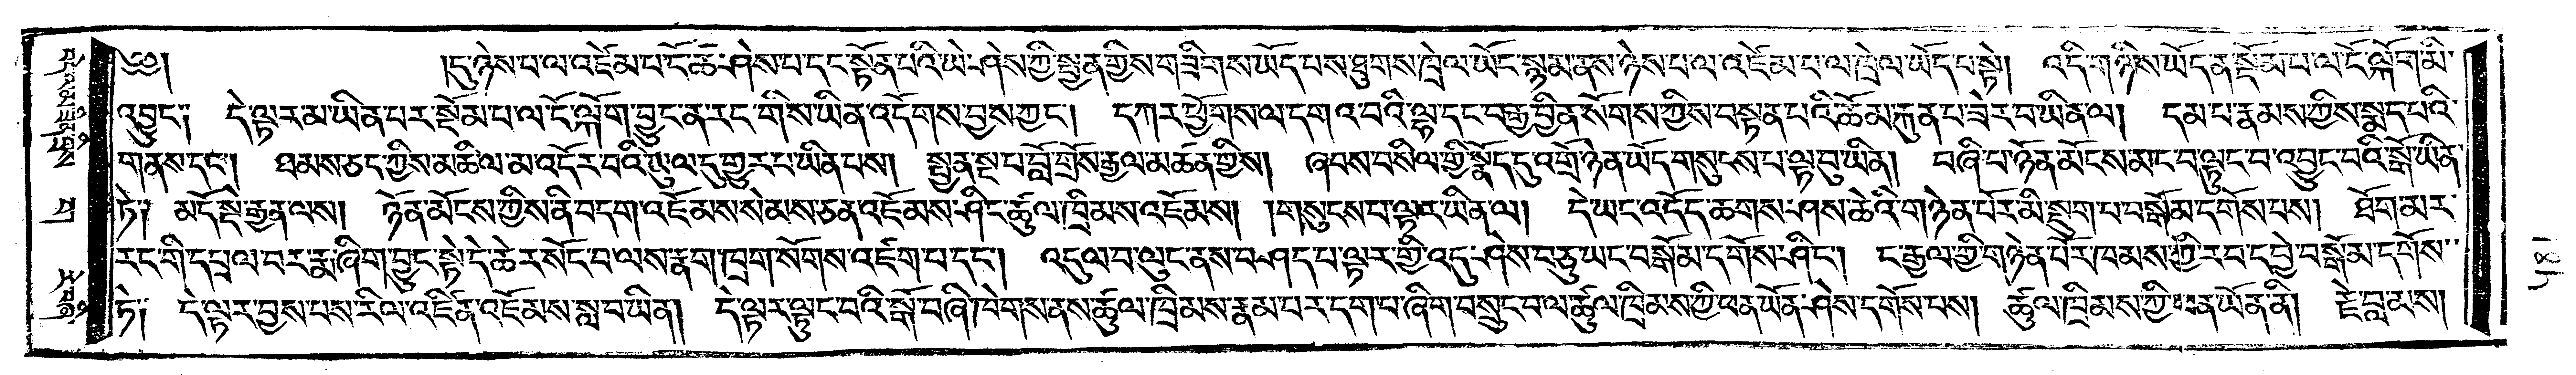༄༅། །དུ་ཉེས་པ་ལ་འཛེམ་པ་ངོ་ཚ་ཤེས་པ་དང་སྟོན་པའི་ཡེ་ཤེས་ཀྱི་སྤྱན་གྱིས་གཟིགས་ཡོད་པས་ཐུགས་ཁྲེལ་ཡོང་སྙམ་ནས་ཉེས་པ་ལ་འཛེམ་པ་ལ་ཁྲེལ་ཡོད་པ་སྟེ། འདི་གཉིས་ཡོད་ན་སྡོམ་པ་ལ་ངོ་ལྐོག་མི་
འབྱུང་། དེ་ལྟར་མ་ཡིན་བར་སྡོམ་པ་ལ་ངོ་ལྐོག་བྱུང་ན་རང་གིས་ཡིན་འདོགས་བྱས་ཀྱང་། དཀར་ཕྱོགས་ལ་དགའ་བའི་ལྷ་དང་བརྒྱ་བྱིན་སོགས་ཀྱིས་བསྟན་པའི་ཆེམ་རྐུན་པ་ཟེར་བ་ཡིན་ལ། དམ་པ་རྣམས་ཀྱིས་སྨད་པའི་
གནས་དང་། ཐམས་ཅད་ཀྱིས་མཆིལ་མ་འདོར་བའི་ཡུལ་དུ་གྱུར་པ་ཡིན་པས། སྤྱན་སྔ་པ་བློ་གྲོས་རྒྱལ་མཚན་གྱིས། ཞབས་བསིལ་གྱི་སྣོད་དུ་འགྲོ་ཉེན་ཡོད་གསུངས་པ་ལྟ་བུ་ཡིན། བཞི་པ་ཉོན་མོངས་མང་བ་ལྟུང་པ་འབྱུང་བའི་སྒོ་ཡིན་
ཏེ༑ མདོ་སྡེ་རྒྱན་ལས། ཉོན་མོངས་ཀྱིས་ནི་བདག་འཇོམས་སེམས་ཅན་འཇོམས་ཤིང་ཚུལ་ཁྲིམས་འཇོམས། །གསུངས་པ་ལྟར་ཡིན་ལ། དེ་ཡང་འདོད་ཆགས་ཤས་ཆེའི་གཉེན་པོར་མི་སྡུག་པ་བསྒོམ་དགོས་པས། ཐོག་མར་
རང་གི་དཔྲལ་བར་རྨ་ཞིག་བྱུང་སྟེ་དེ་ཆེར་སོང་བ་ལས་རྣག་ཁྲག་སོགས་འཛག་པ་དང་། འདུལ་བ་ལུང་ནས་བཤད་པ་ལྟར་གྱི་འདུ་ཤེས་བཅུ་ཡང་བསྒོམ་དགོས་ཤིང་། ང་རྒྱལ་གྱི་གཉེན་པོར་ཁམས་ཀྱི་རབ་དབྱེ་བསྒོམ་དགོས་
ཏེ༑ དེ་ལྟར་བྱས་པས་རིལ་འཛིན་འཇོམས་སླ་བ་ཡིན། དེ་ལྟར་ལྟུང་བའི་སྒོ་བཞི་ཁེགས་ནས་ཚུལ་ཁྲིམས་རྣམ་པར་དག་པ་ཞིག་བསྲུང་བ་ལ་ཚུལ་ཁྲིམས་ཀྱི་ཡན་ཡོན་ཤེས་དགོས་པས། ཚུལ་ཁྲིམས་ཀྱི་ཕན་ཡོན་ནི། རྗེ་བླ་མས།